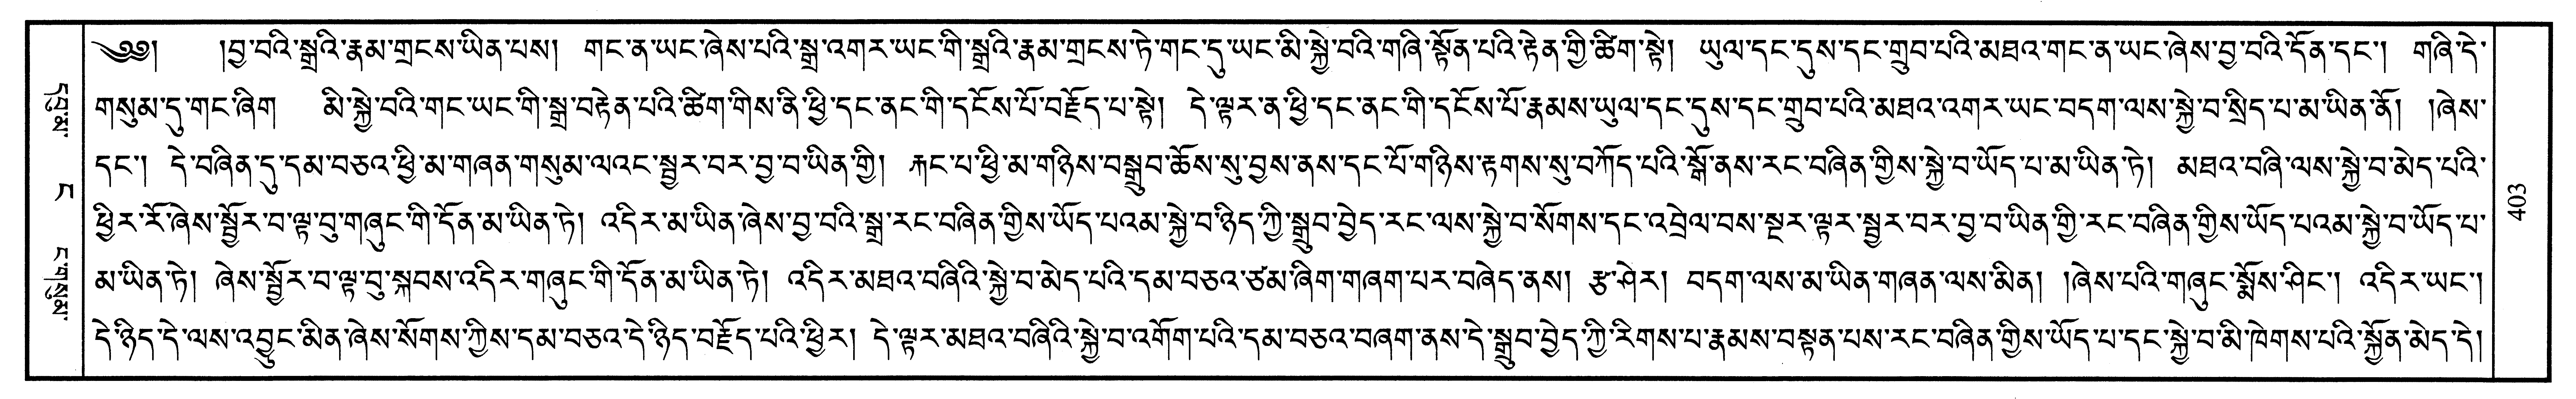༄༅། །བྱ་བའི་སྒྲའི་རྣམ་གྲངས་ཡིན་པས། གང་ན་ཡང་ཞེས་པའི་སྒྲ་འགར་ཡང་གི་སྒྲའི་རྣམ་གྲངས་ཏེ་གང་དུ་ཡང་མི་སྐྱེ་བའི་གཞི་སྟོན་པའི་རྟེན་གྱི་ཚིག་སྟེ། ཡུལ་དང་དུས་དང་གྲུབ་པའི་མཐའ་གང་ན་ཡང་ཞེས་བྱ་བའི་དོན་དང་། གཞི་དེ་
གསུམ་དུ་གང་ཞིག། མི་སྐྱེ་བའི་གང་ཡང་གི་སྒྲ་བརྟེན་པའི་ཚིག་གིས་ནི་ཕྱི་དང་ནང་གི་དངོས་པོ་བརྗོད་པ་སྟེ། དེ་ལྟར་ན་ཕྱི་དང་ནང་གི་དངོས་པོ་རྣམས་ཡུལ་དང་དུས་དང་གྲུབ་པའི་མཐའ་འགར་ཡང་བདག་ལས་སྐྱེ་བ་སྲིད་པ་མ་ཡིན་ནོ། །ཞེས་
དང་། དེ་བཞིན་དུ་དམ་བཅའ་ཕྱི་མ་གཞན་གསུམ་ལའང་སྦྱར་བར་བྱ་བ་ཡིན་གྱི། རྐང་པ་ཕྱི་མ་གཉིས་བསྒྲུབ་ཆོས་སུ་བྱས་ནས་དང་པོ་གཉིས་རྟགས་སུ་བཀོད་པའི་སྒོ་ནས་རང་བཞིན་གྱིས་སྐྱེ་བ་ཡོད་པ་མ་ཡིན་ཏེ། མཐའ་བཞི་ལས་སྐྱེ་བ་མེད་པའི་
ཕྱིར་རོ་ཞེས་སྦྱོར་བ་ལྟ་བུ་གཞུང་གི་དོན་མ་ཡིན་ཏེ། འདིར་མ་ཡིན་ཞེས་བྱ་བའི་སྒྲ་རང་བཞིན་གྱིས་ཡོད་པའམ་སྐྱེ་བ་ཉིད་ཀྱི་སྒྲུབ་བྱེད་རང་ལས་སྐྱེ་བ་སོགས་དང་འབྲེལ་བས་སྔར་ལྟར་སྦྱར་བར་བྱ་བ་ཡིན་གྱི་རང་བཞིན་གྱིས་ཡོད་པའམ་སྐྱེ་བ་ཡོད་པ་
མ་ཡིན་ཏེ། ཞེས་སྦྱོར་བ་ལྟ་བུ་སྐབས་འདིར་གཞུང་གི་དོན་མ་ཡིན་ཏེ། འདིར་མཐའ་བཞིའི་སྐྱེ་བ་མེད་པའི་དམ་བཅའ་ཙམ་ཞིག་གཞག་པར་བཞེད་ནས། རྩ་ཤེར། བདག་ལས་མ་ཡིན་གཞན་ལས་མིན། །ཞེས་པའི་གཞུང་སྨོས་ཤིང་། འདིར་ཡང་།
དེ་ཉིད་དེ་ལས་འབྱུང་མིན་ཞེས་སོགས་ཀྱིས་དམ་བཅའ་དེ་ཉིད་བརྗོད་པའི་ཕྱིར། དེ་ལྟར་མཐའ་བཞིའི་སྐྱེ་བ་འགོག་པའི་དམ་བཅའ་བཞག་ནས་དེ་སྒྲུབ་བྱེད་ཀྱི་རིགས་པ་རྣམས་བསྟན་པས་རང་བཞིན་གྱིས་ཡོད་པ་དང་སྐྱེ་བ་མི་ཁེགས་པའི་སྐྱོན་མེད་དེ།